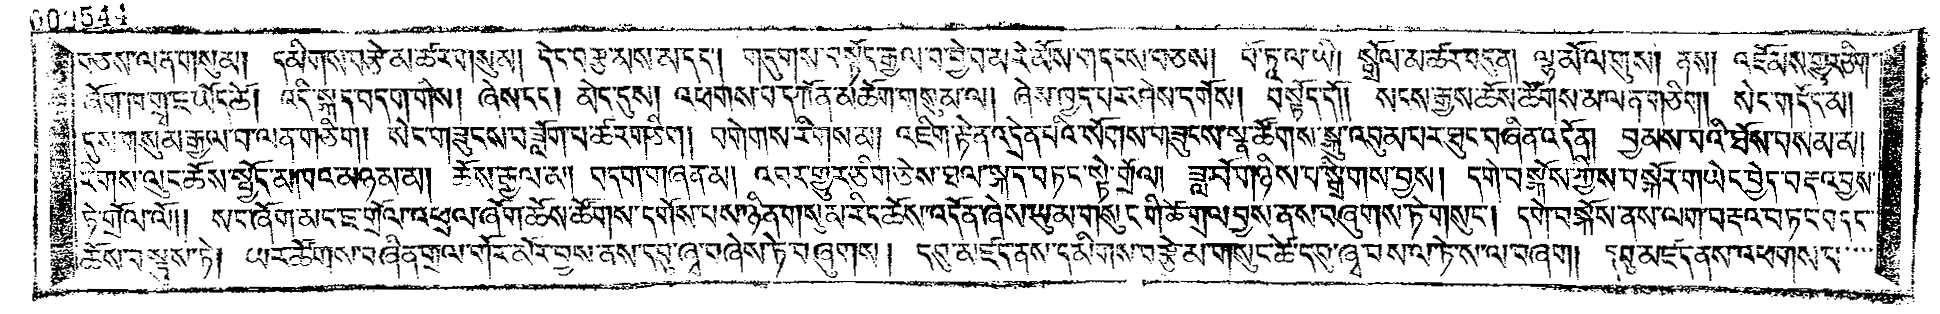བཅས་ལན་གསུམ། དམིགས་བརྩེ་མ་ཚར་གསུམ། དེང་བརྩམས་མ་དང་། གདུགས་བསྟོང་རྒྱལ་བ་བྱེ་བ་མ་རེ་མོས་གདངས་བཅས། པོ་ཏཱ་ལ་ཡི། སྒྲོལ་མ་ཚར་བདུན། ལྷ་མོ་ལ་གུས། ནས། འཇོམས་གྱུར་ཅིག་
ཞོག་ཁ་གྲྭ་ཇ་ཡོད་ཚེ། འདི་སྐད་བདག་གིས། ཞེས་དང་། མེད་དུས། འཕགས་པ་དཀོན་མཆོག་གསུམ་ལ། ཞེས་ཁྱད་པར་ཤེས་དགོས། བསྟོད་དོ། །སངས་རྒྱས་ཆོས་ཚོགས་མ་ལན་གཅིག །སེང་གདོང་མ།
དུས་གསུམ་རྒྱལ་བ་ལན་གཅིག །སེང་གཟུངས་བཟློག་པ་ཚར་གཅིག །བགེགས་རིགས་མ། འཇིག་རྟེན་འདྲེན་པའི་སོགས་གཟུངས་སྣ་ཚོགས་སྐུ་འབུམ་པར་ཐུང་བཞིན་འདོན། བྱམས་པའི་ཐོས་བསམ་མ།
རིགས་ལུང་ཆོས་སྤྱོད་མཁའ་མཉམ་མ། ཆོས་རྒྱལ་མ། བདག་གཞན་མ། འབར་གྱུར་ཅིག་ཅེས་ཐལ་སྐད་བཏང་སྟེ་གྲོལ། ཟླ་བོ་གཉིས་པ་སྒྲིགས་བྱས། དགེ་བསྐོས་ཀྱིས་བསྐོར་གཡེང་བྱེད་བརྡའ་བྱས་
ཏེ་གྲོལ་ལོ། །སང་ཞོག་མང་ཇ་གྲོལ་འཕྲལ་ཞོག་ཆོས་ཚོགས་དགོས་པས་ཉིན་གསུམ་རིང་ཆོས་འདོན་ཞེས་ཡུམ་གསུང་གི་ཚེ་གྲལ་བྱས་ནས་བཞུགས་ཏེ་གསུང་། དགེ་བསྐོས་ནས་ལག་བརྡའ་བཏང་བ་དང་
ཆོས་བསྟུས་ཏེ། ཡར་ཚོགས་བཞིན་གྲལ་གོར་མོར་བྱས་ནས་དབུ་ཞྭ་བཞེས་ཏེ་བཞུགས། དབུ་མཛད་ནས་དམིགས་བརྩེ་མ་གསུང་ཚེ་དབུ་ཞྭ་བས་ལ་ཏེ་ས་ལ་བཞག །དབུ་མཛད་ནས་འཕགས་པ་